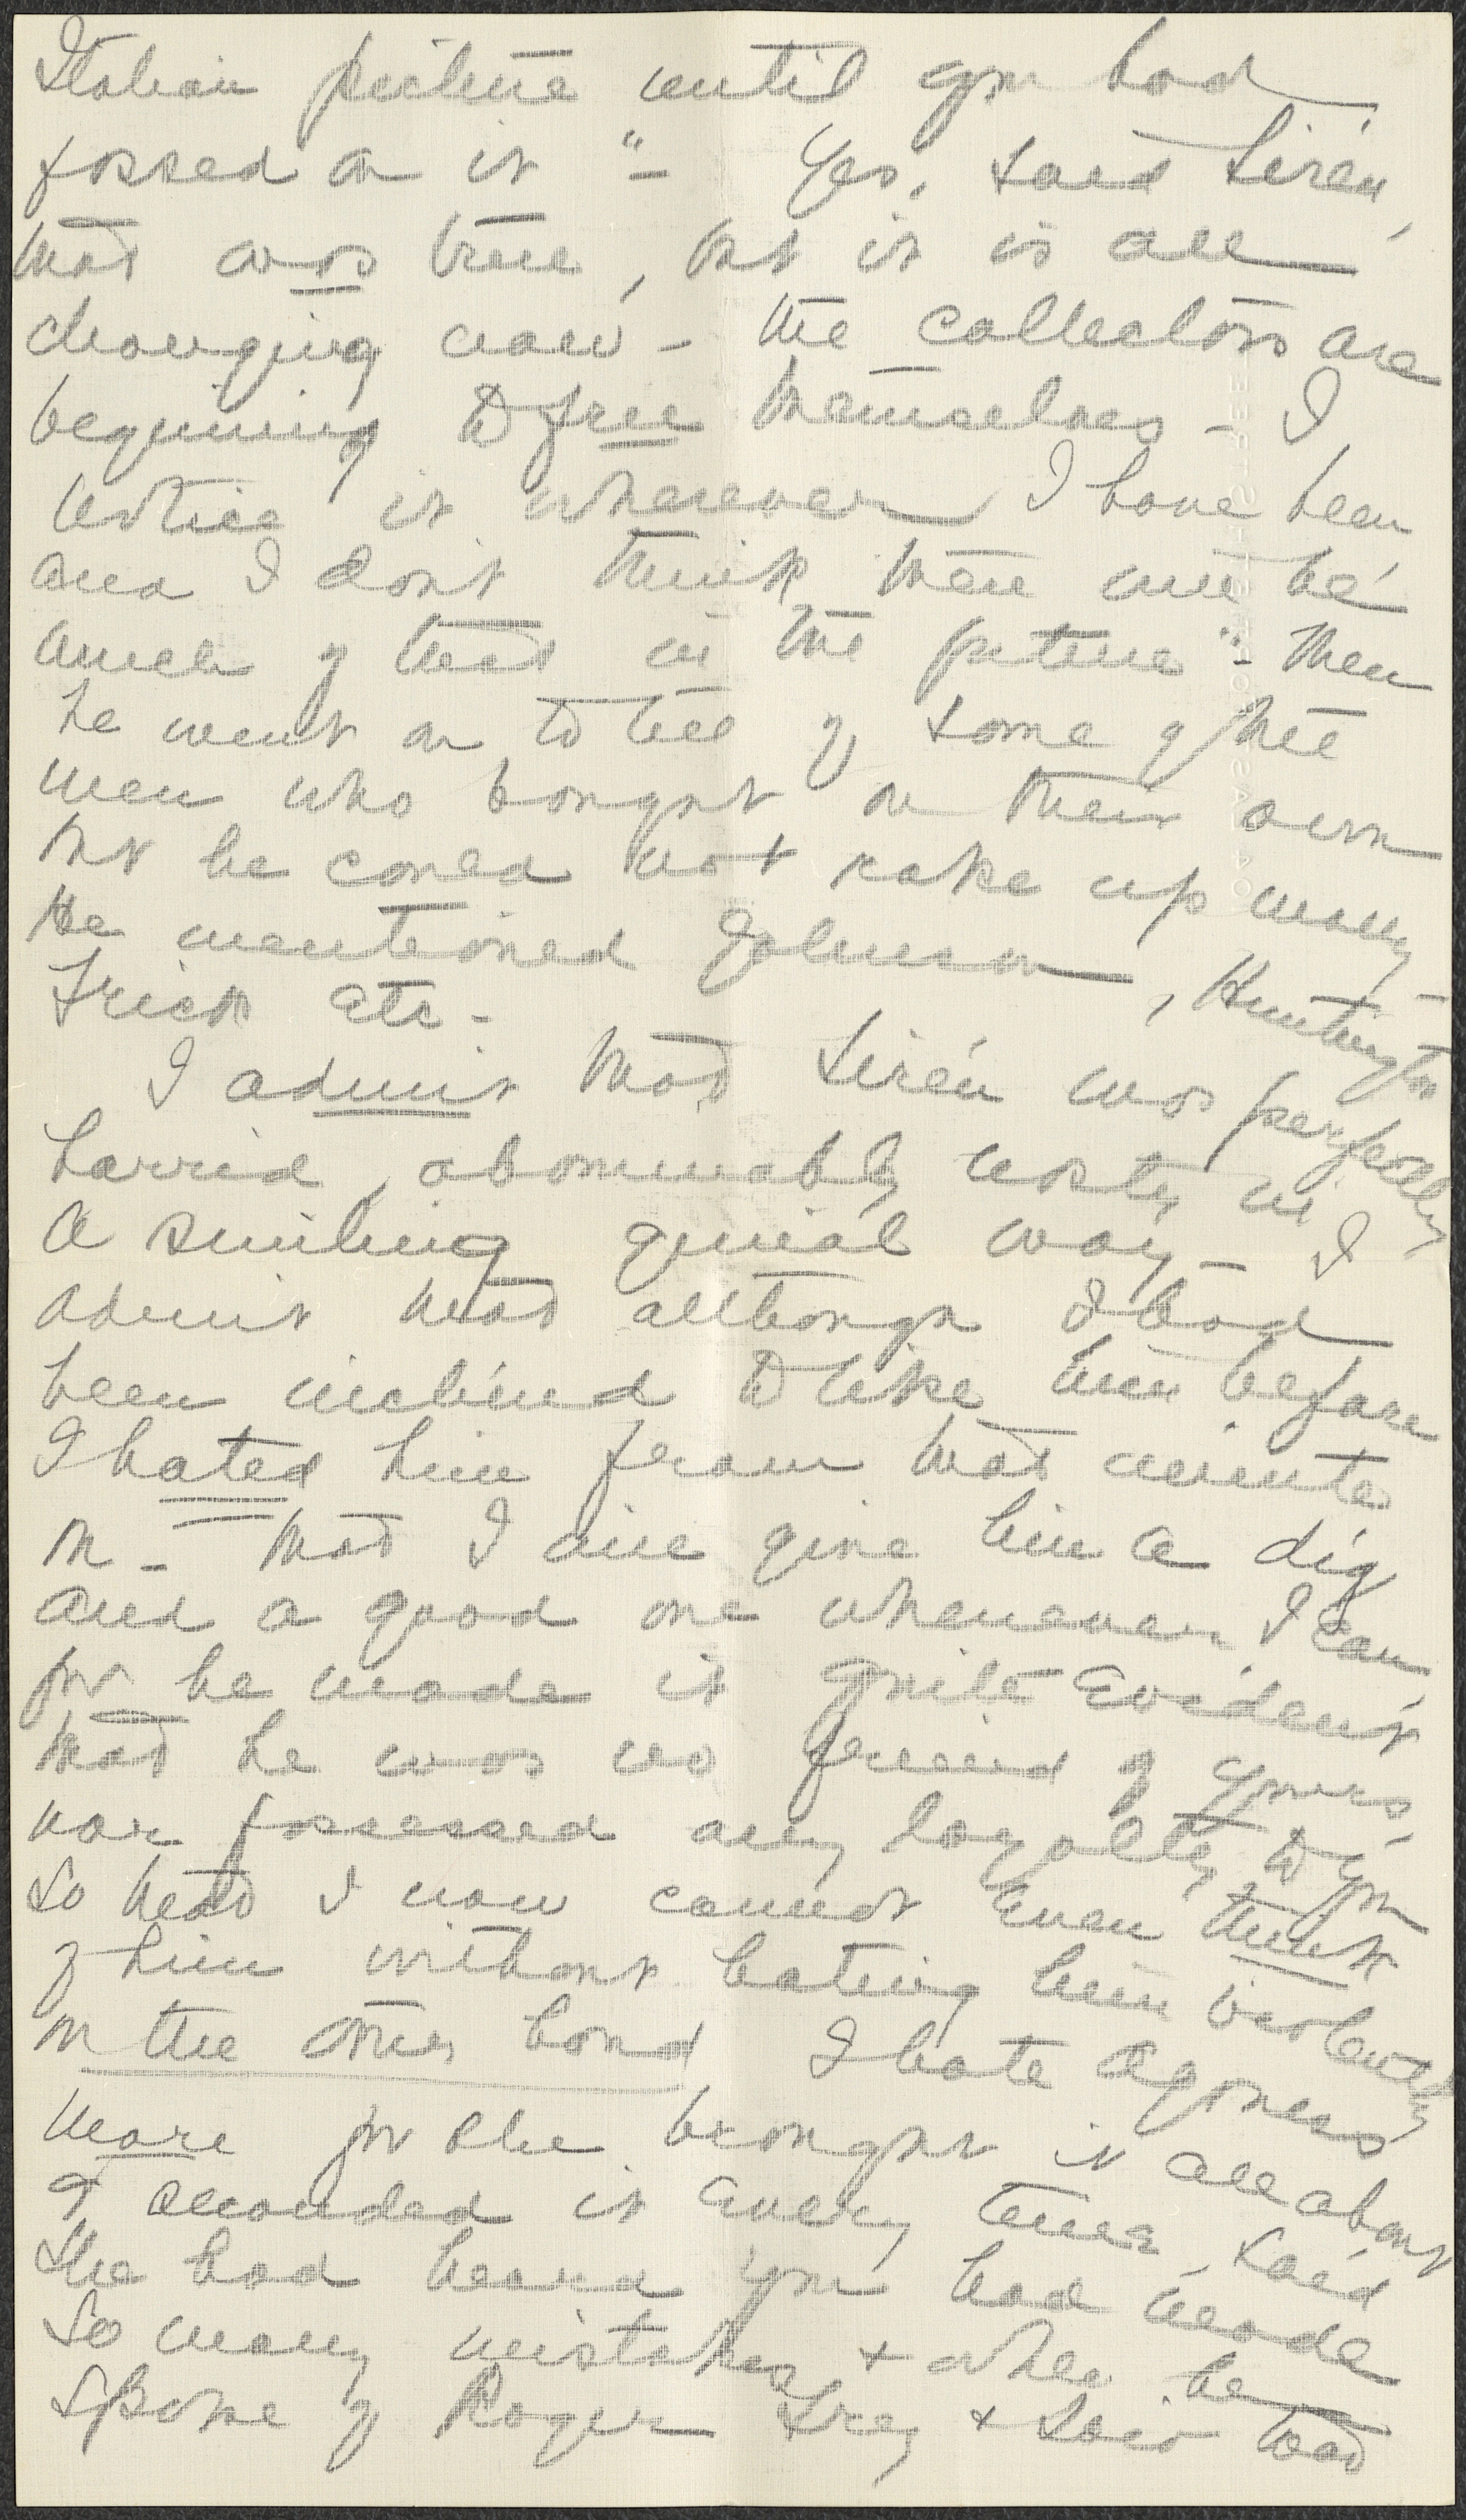Italian picture until you had passed on it” – Yes, said Sirén, that was true, but it is all changing now – the collectors are beginning to free themselves – I notice it wherever I have been and I don’t think there will be much of that in the future” – Then he went on to tell of some of the men who bought on their own but he could not rake up many He mentioned Johnson, Huntington
I admit that Sirén was perfectly horrid abominable nasty in a smiling genial way – I admit that although I had been inclined to like him before I [double underlined: hated] him from that minute on – that I will give him a dig and a good one whenever I can, for he made it quite evident that he was no friend of yours, nor possessed any loyalty to you so that I now cannot even think of him without hating him violently
on the other hand I hate Agoness more for she brought it all about & seconded it every time, said she had heard you had made so many mistakes & when he spoke of Roger Fry & said that